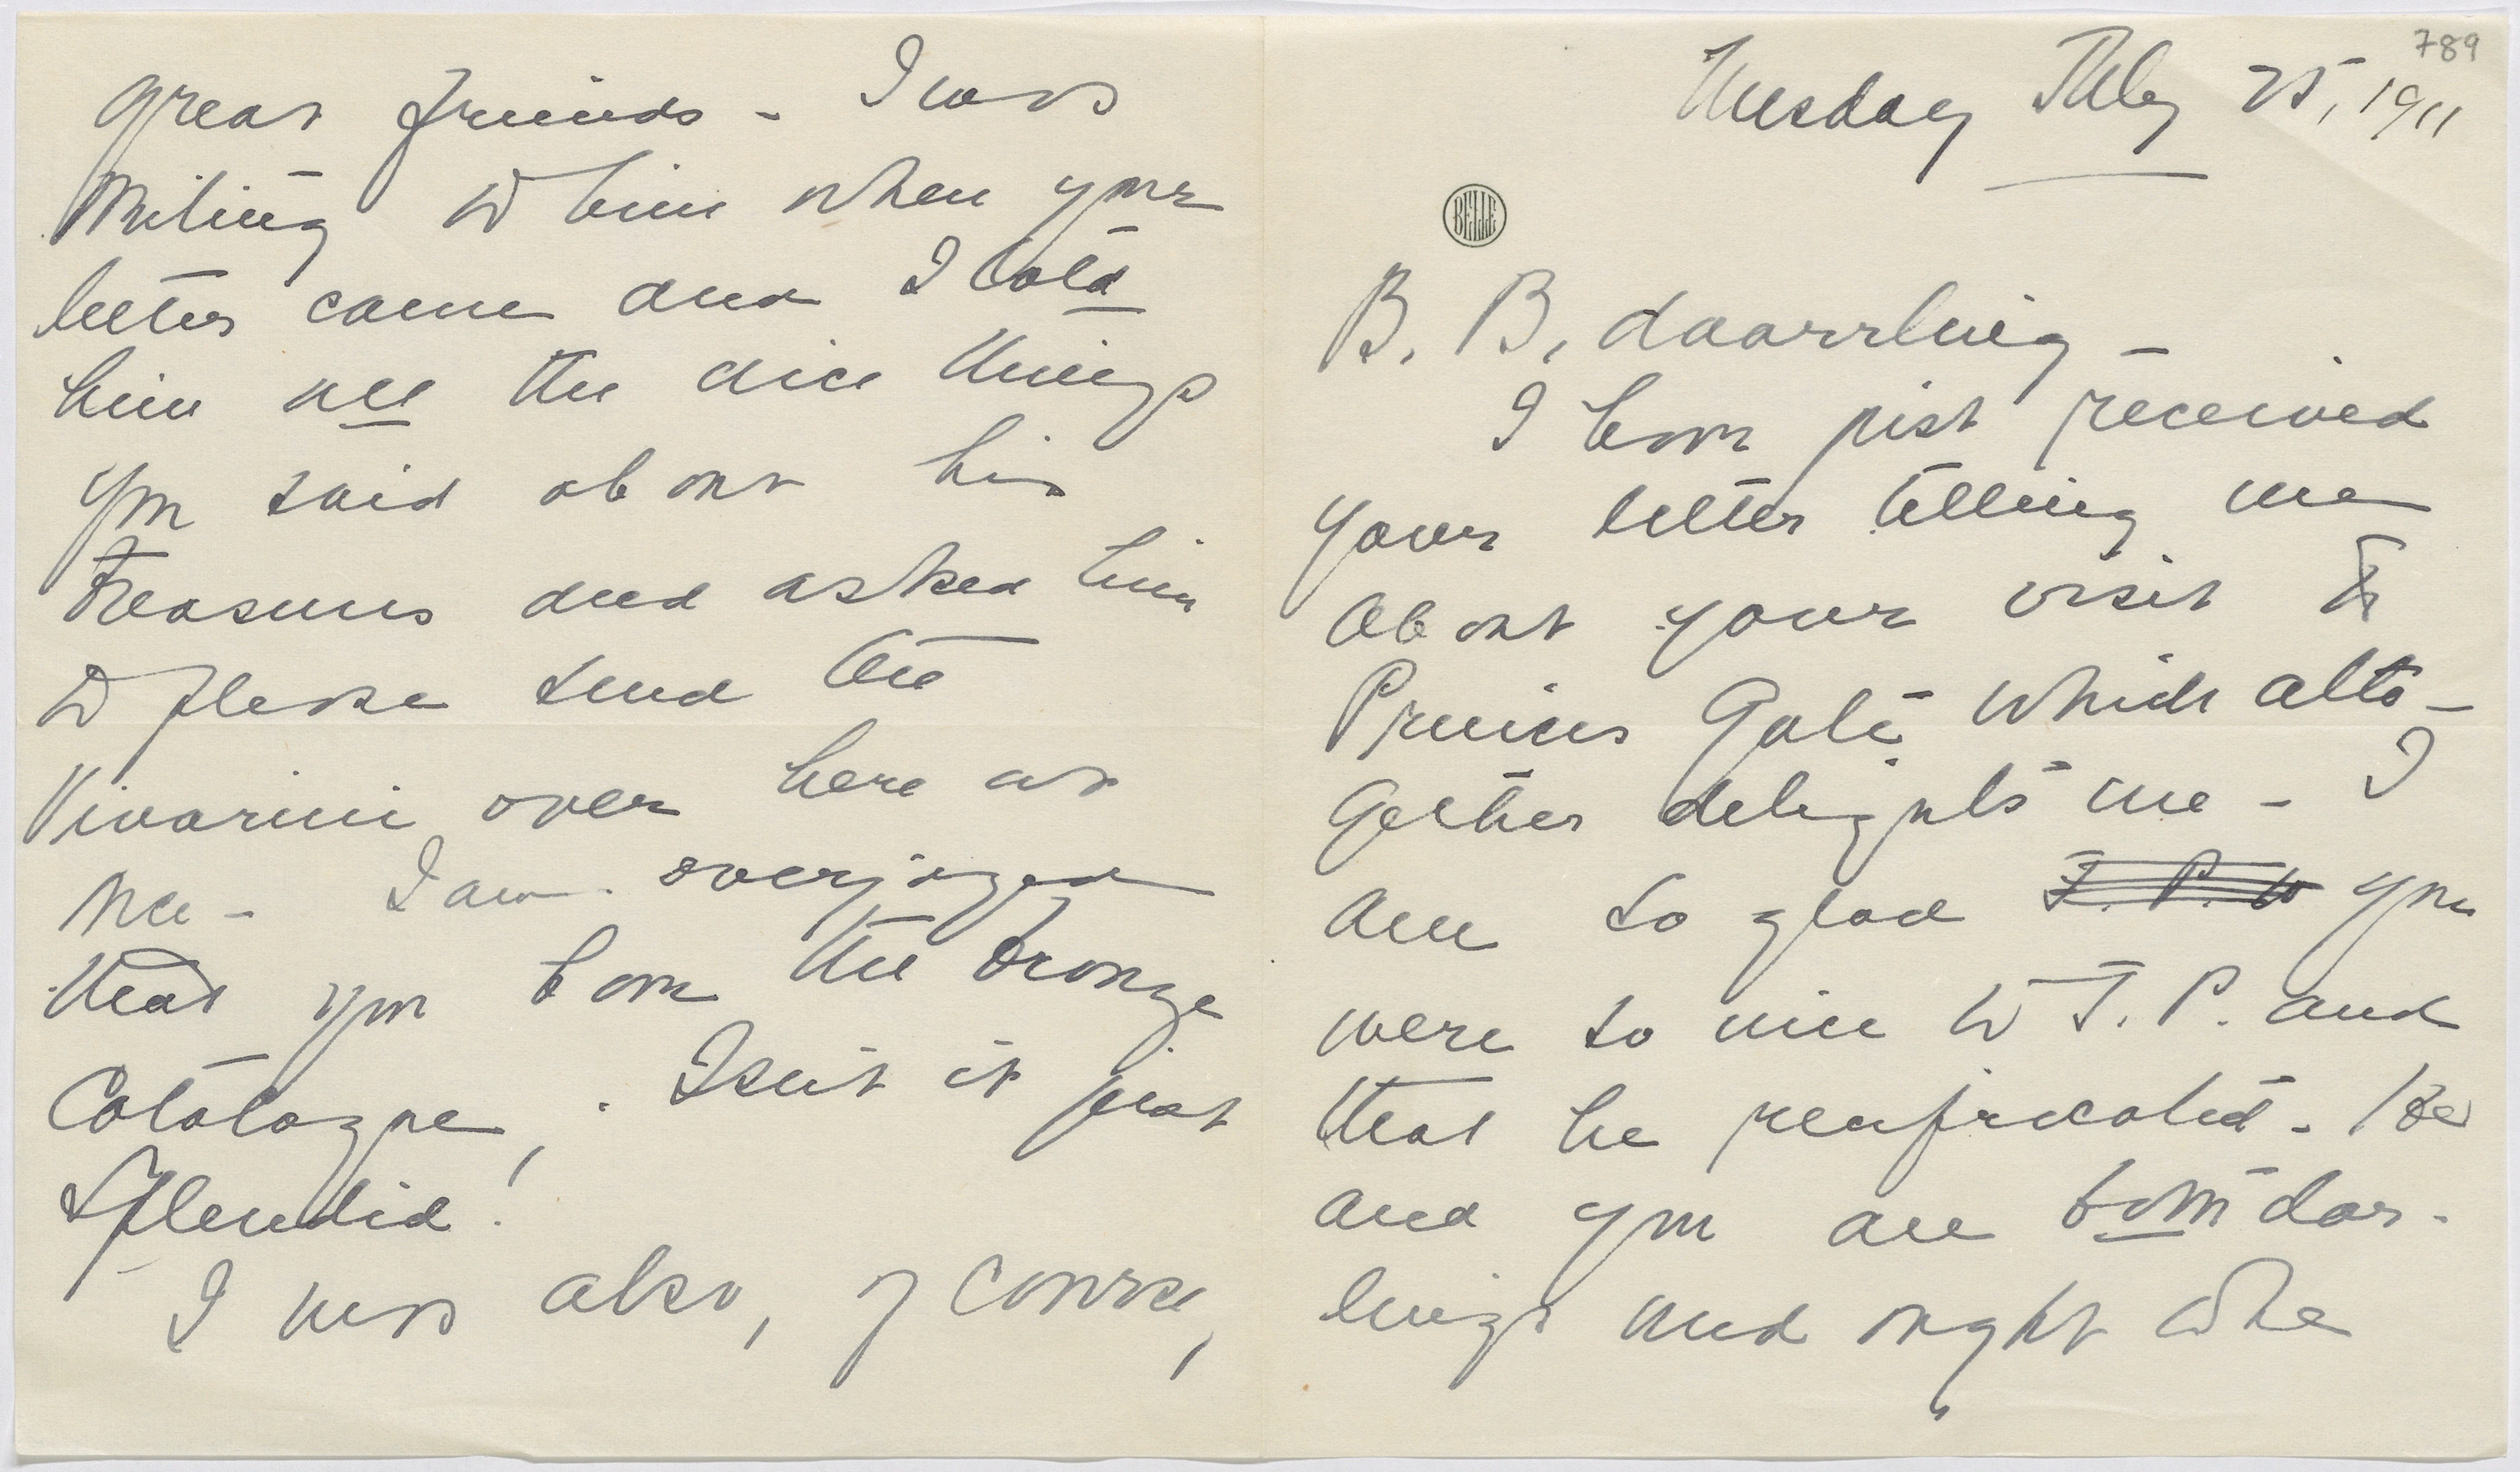Tuesday July 25
⸺
B. B. daarrling –
I have just received your letter telling me about your visit to Princes Gate which altogether delights me – I am so glad J. P. is you were so nice to J. P. and that he reciprocated – He and you are both darlings and ought to be
great friends – I was writing to him when your letter came and I told him all the nice things you said about his treasures and asked him to please send the Vivarini over here at once – I am overjoyed that you have the bronze Catalogue. Isn’t it just splendid!
I was also, of course,